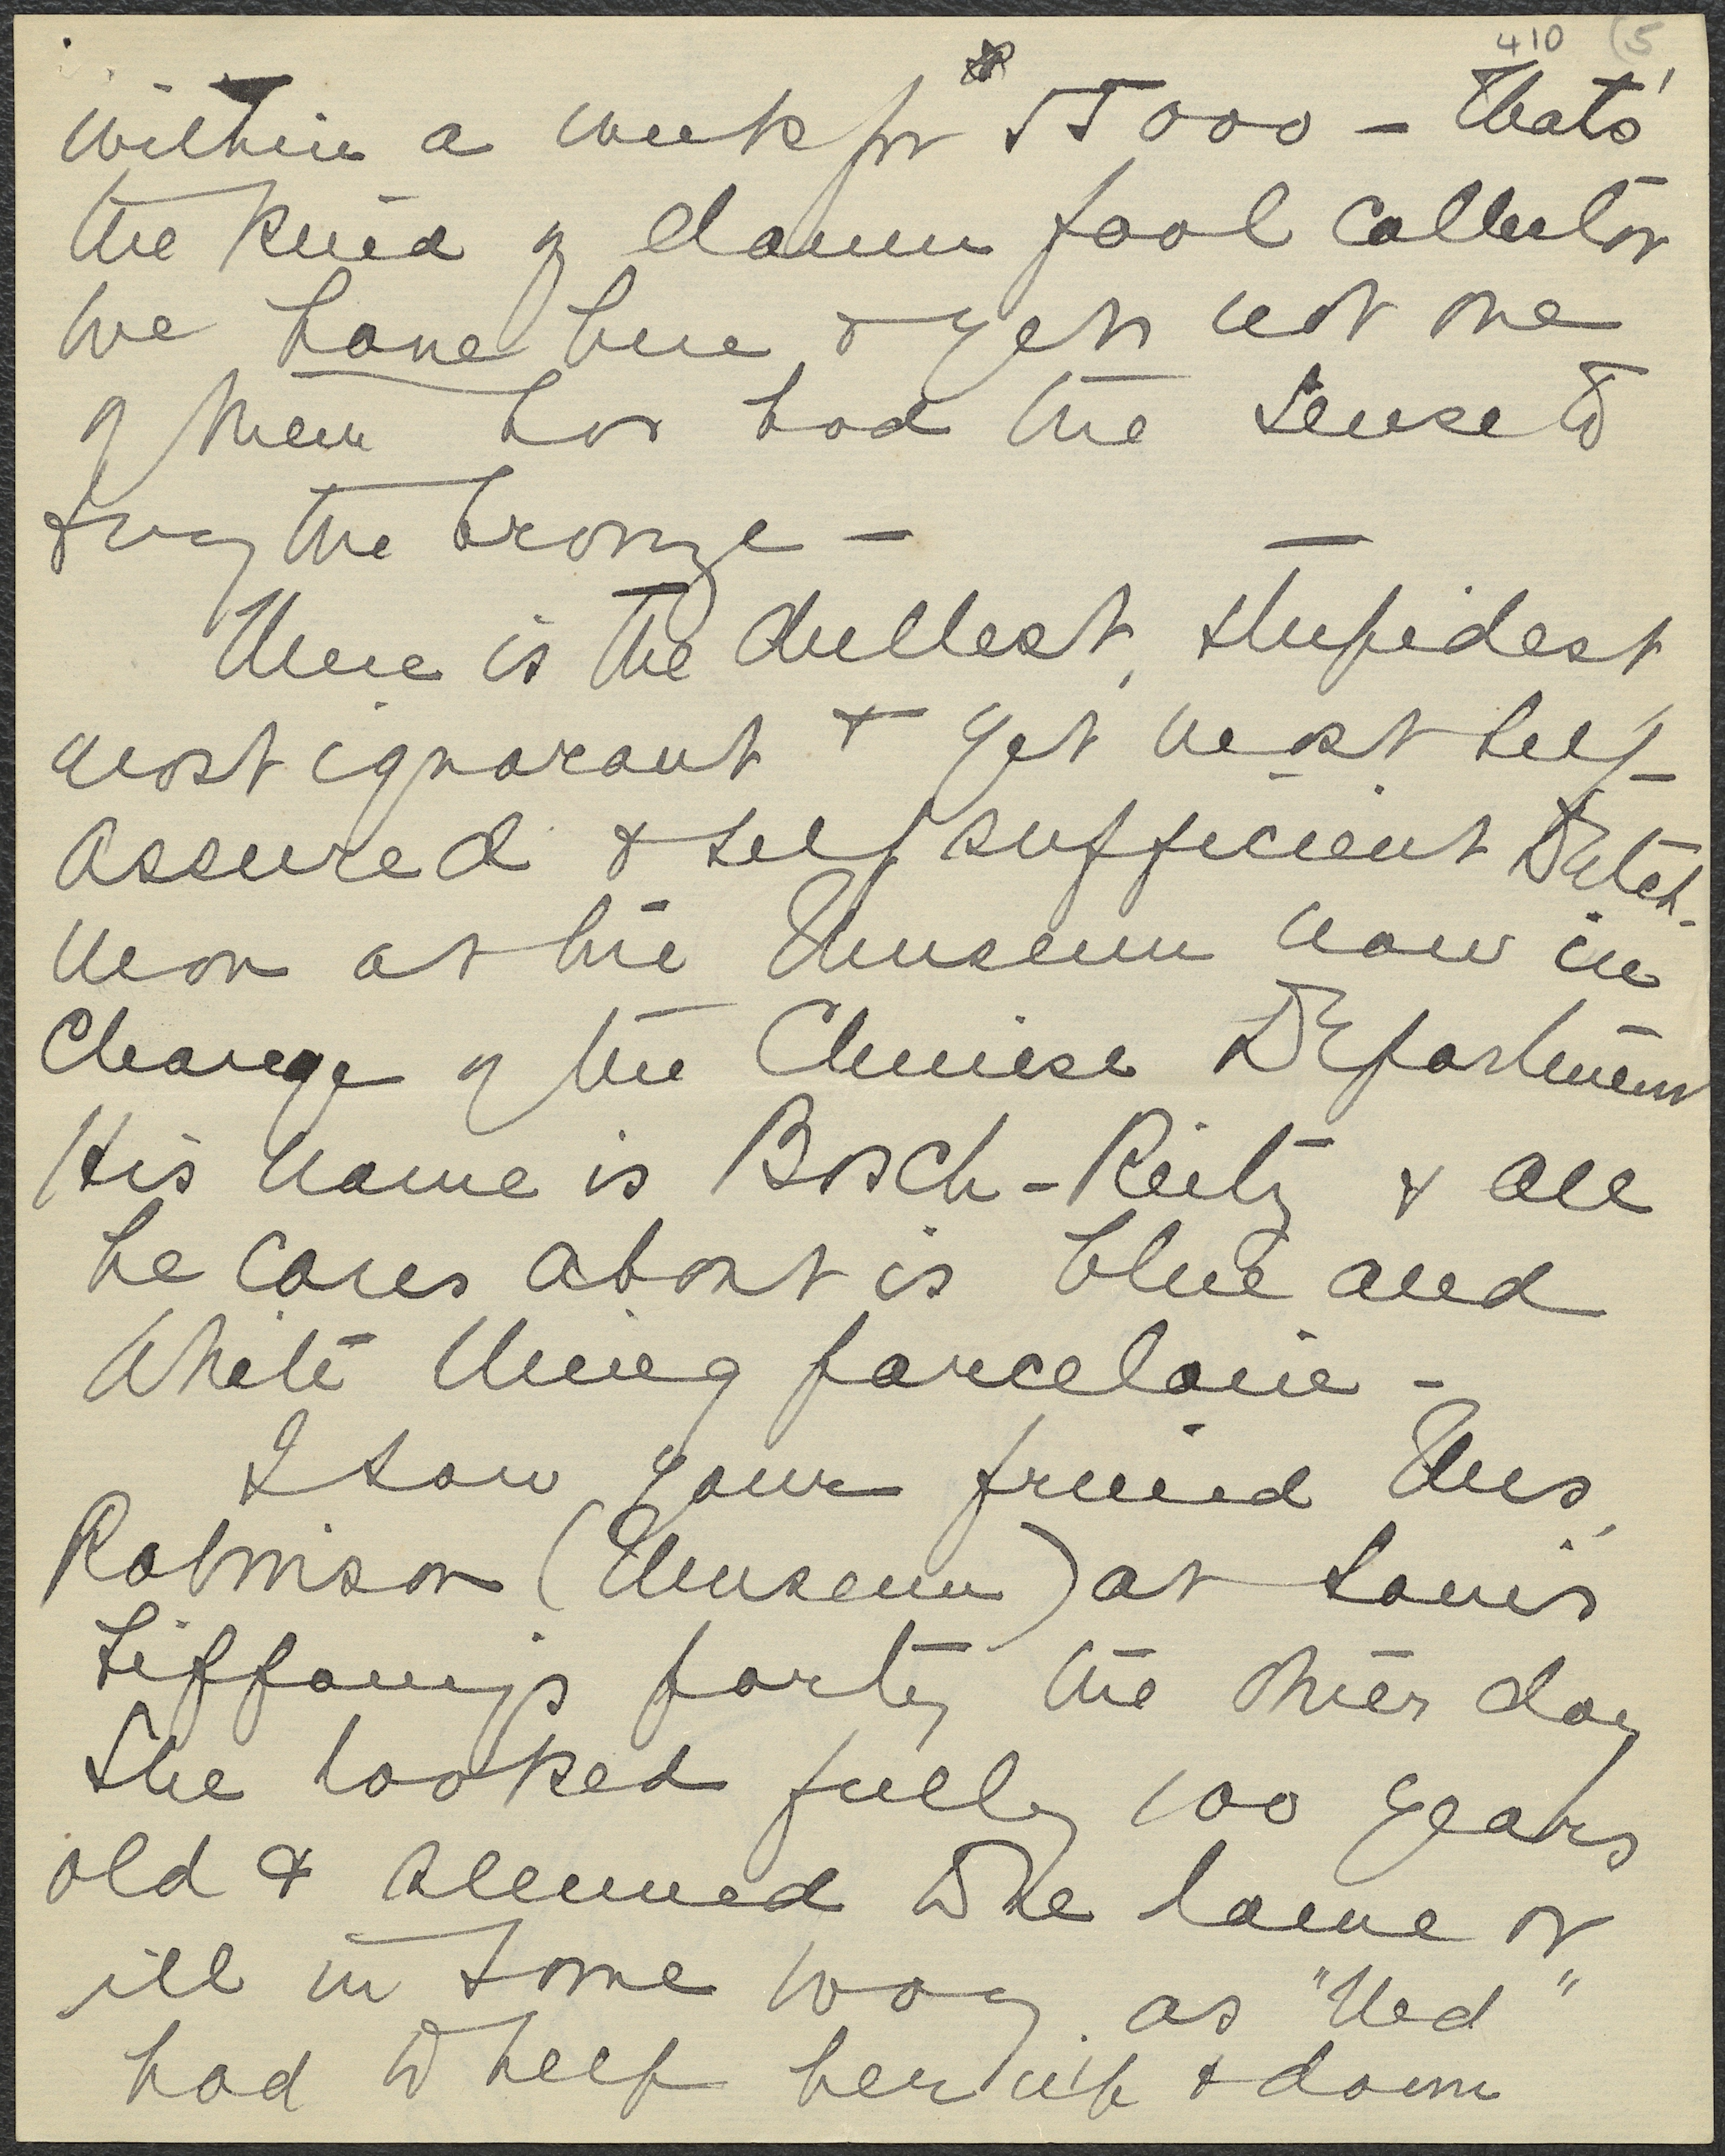within a week for $55,000 – that's the kind of damn fool collector we have here, & yet not one of them has had the sense to buy the bronze –
There is the dullest, stupidest most ignorant & yet most self-assured & self sufficient Dutch man at the Museum now in charge of the Chinese Department His name is Bosch-Reitz & all he cares about is blue and white Ming porcelain –
I saw your friend Mrs. Robinson (Museum) at Louis Tiffany's party the other day She looked fully 100 years old & seemed to be lame or ill in some way as "Ned" has to help her up & down